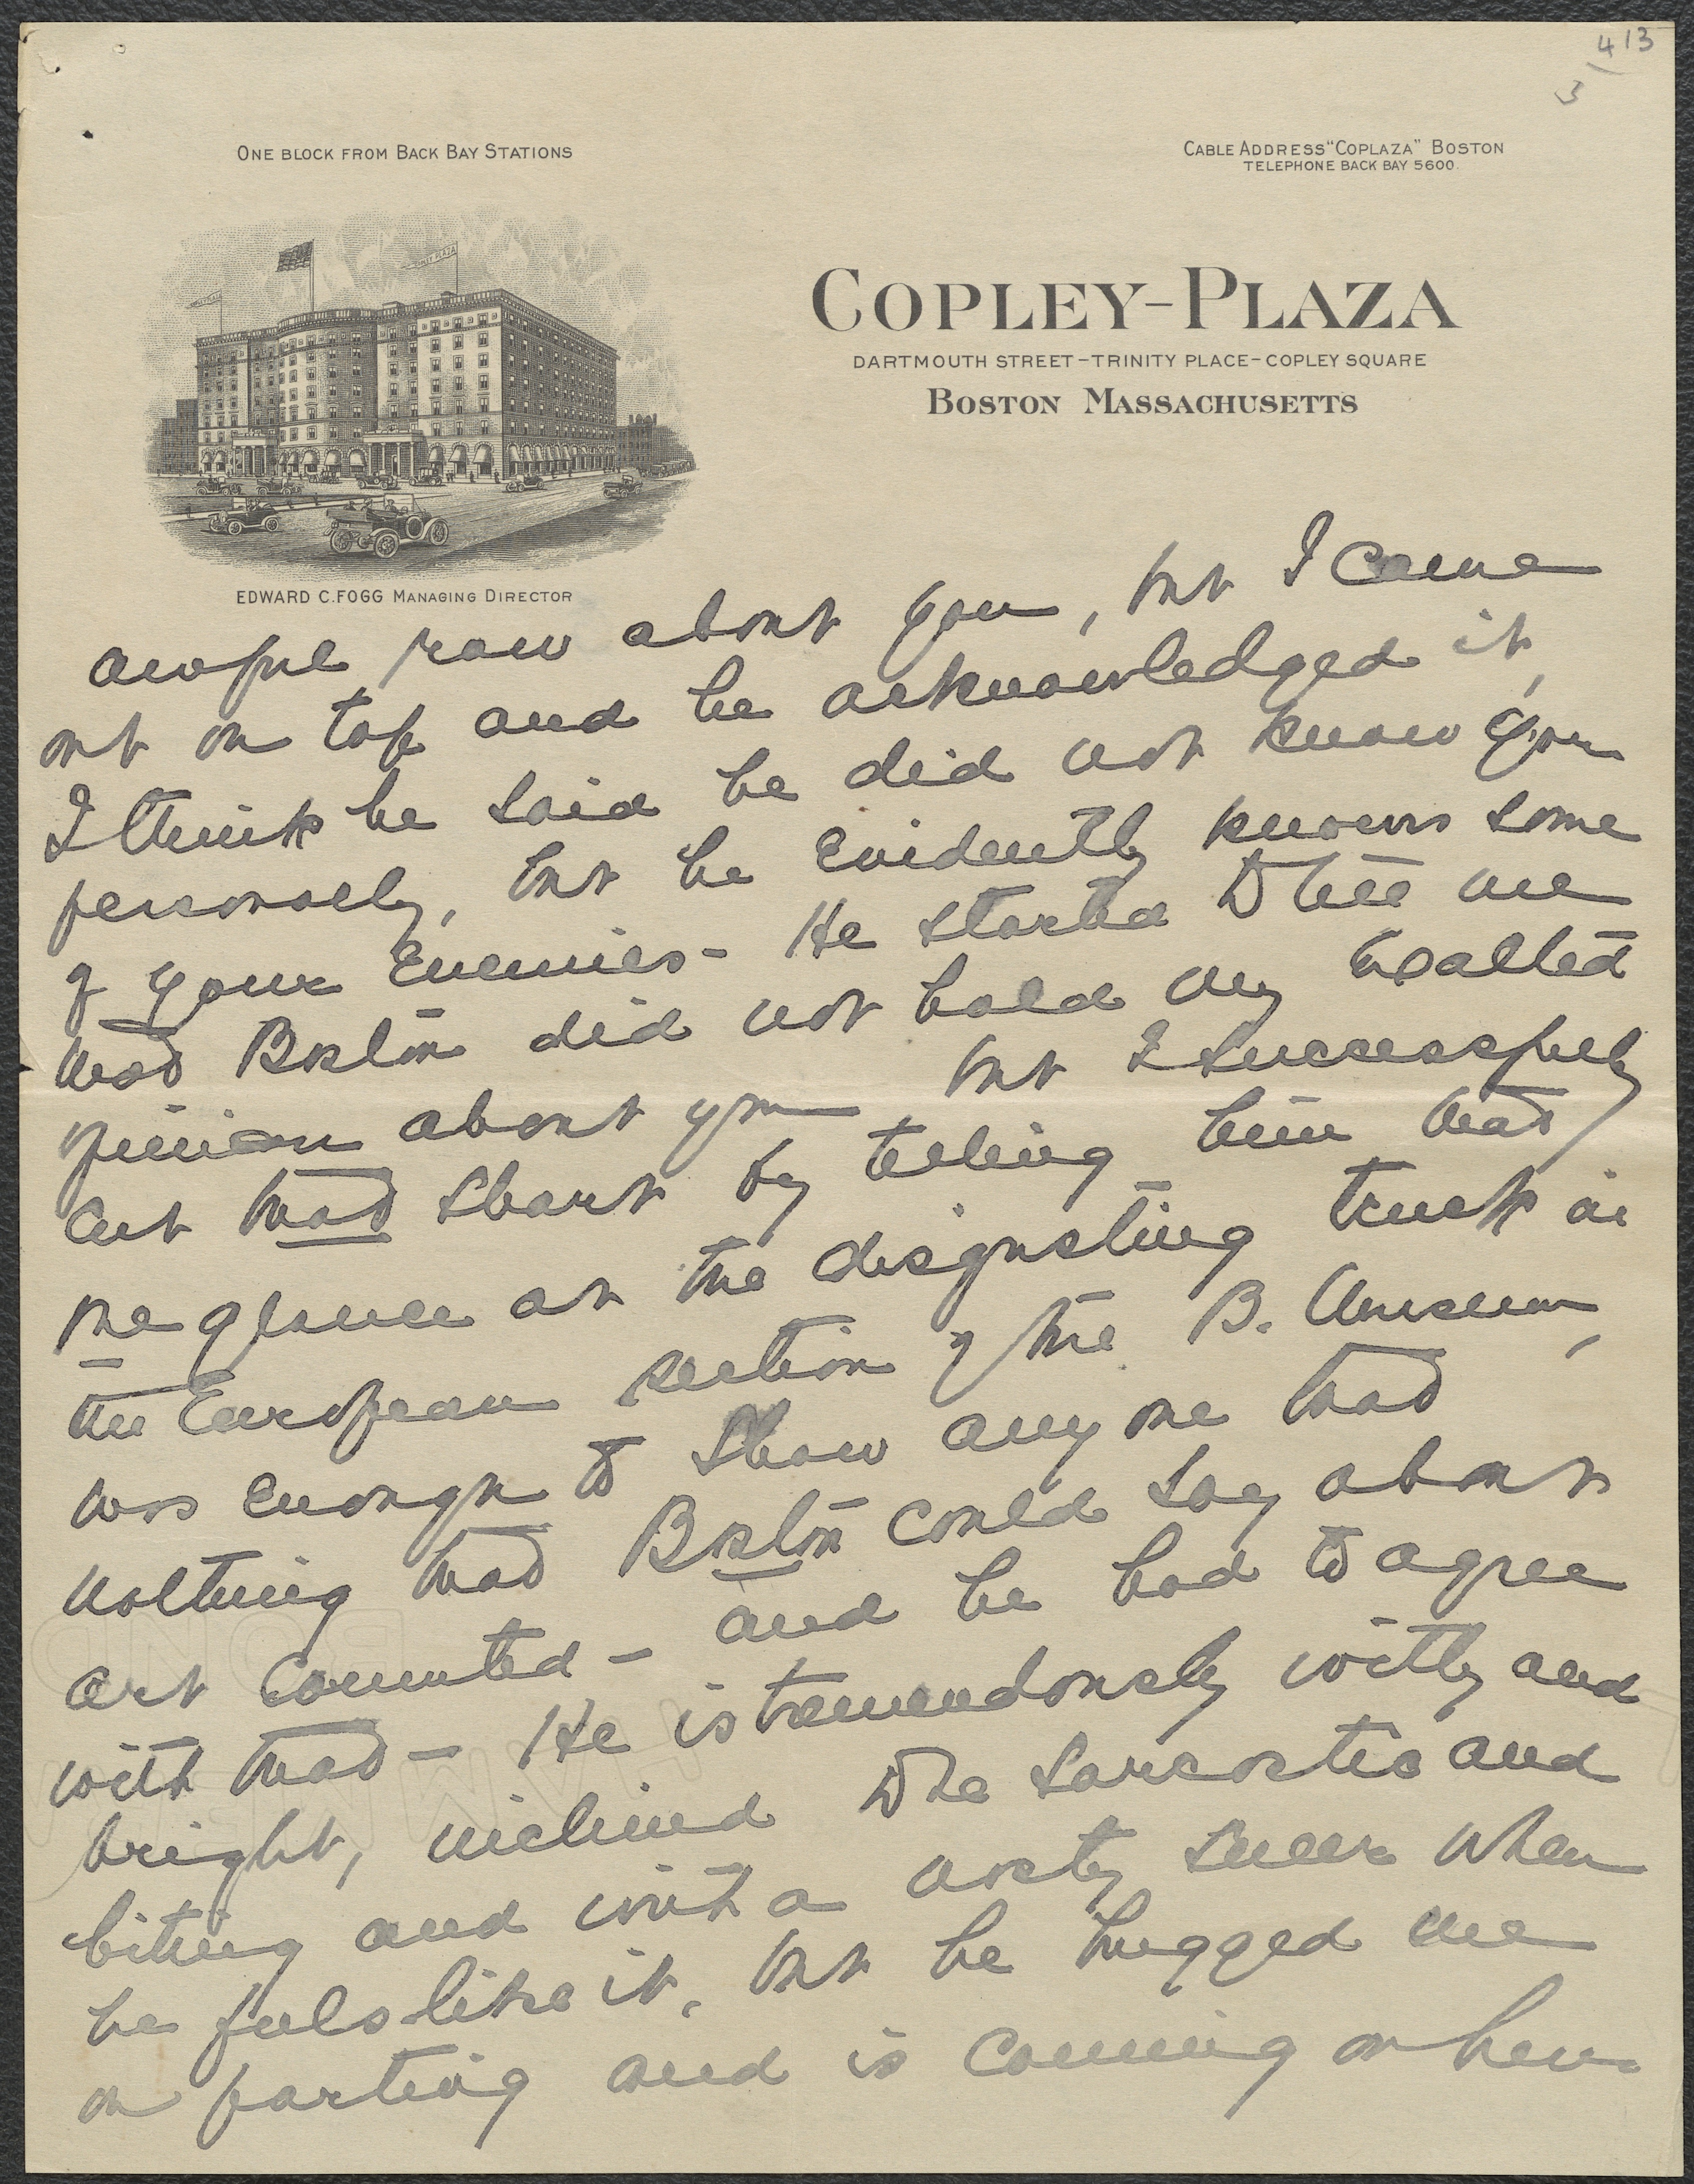awful row about you, but I came out on top and he acknowledged it, I think he said he did not know you personally, but he evidently knows some of your enemies – He started to tell me that Boston did not hold my exalted opinion about you but I successfully cut that short by telling him that one glance at the disgusting truck in the European section of the B. Museum, was enough to show anyone that nothing that Boston could say about art counted – and he had to agree with that – He is tremendously witty and bright, inclined to be sarcastic and biting and with a nasty sneer when he feels like it, but he hugged me on parting and is coming on here